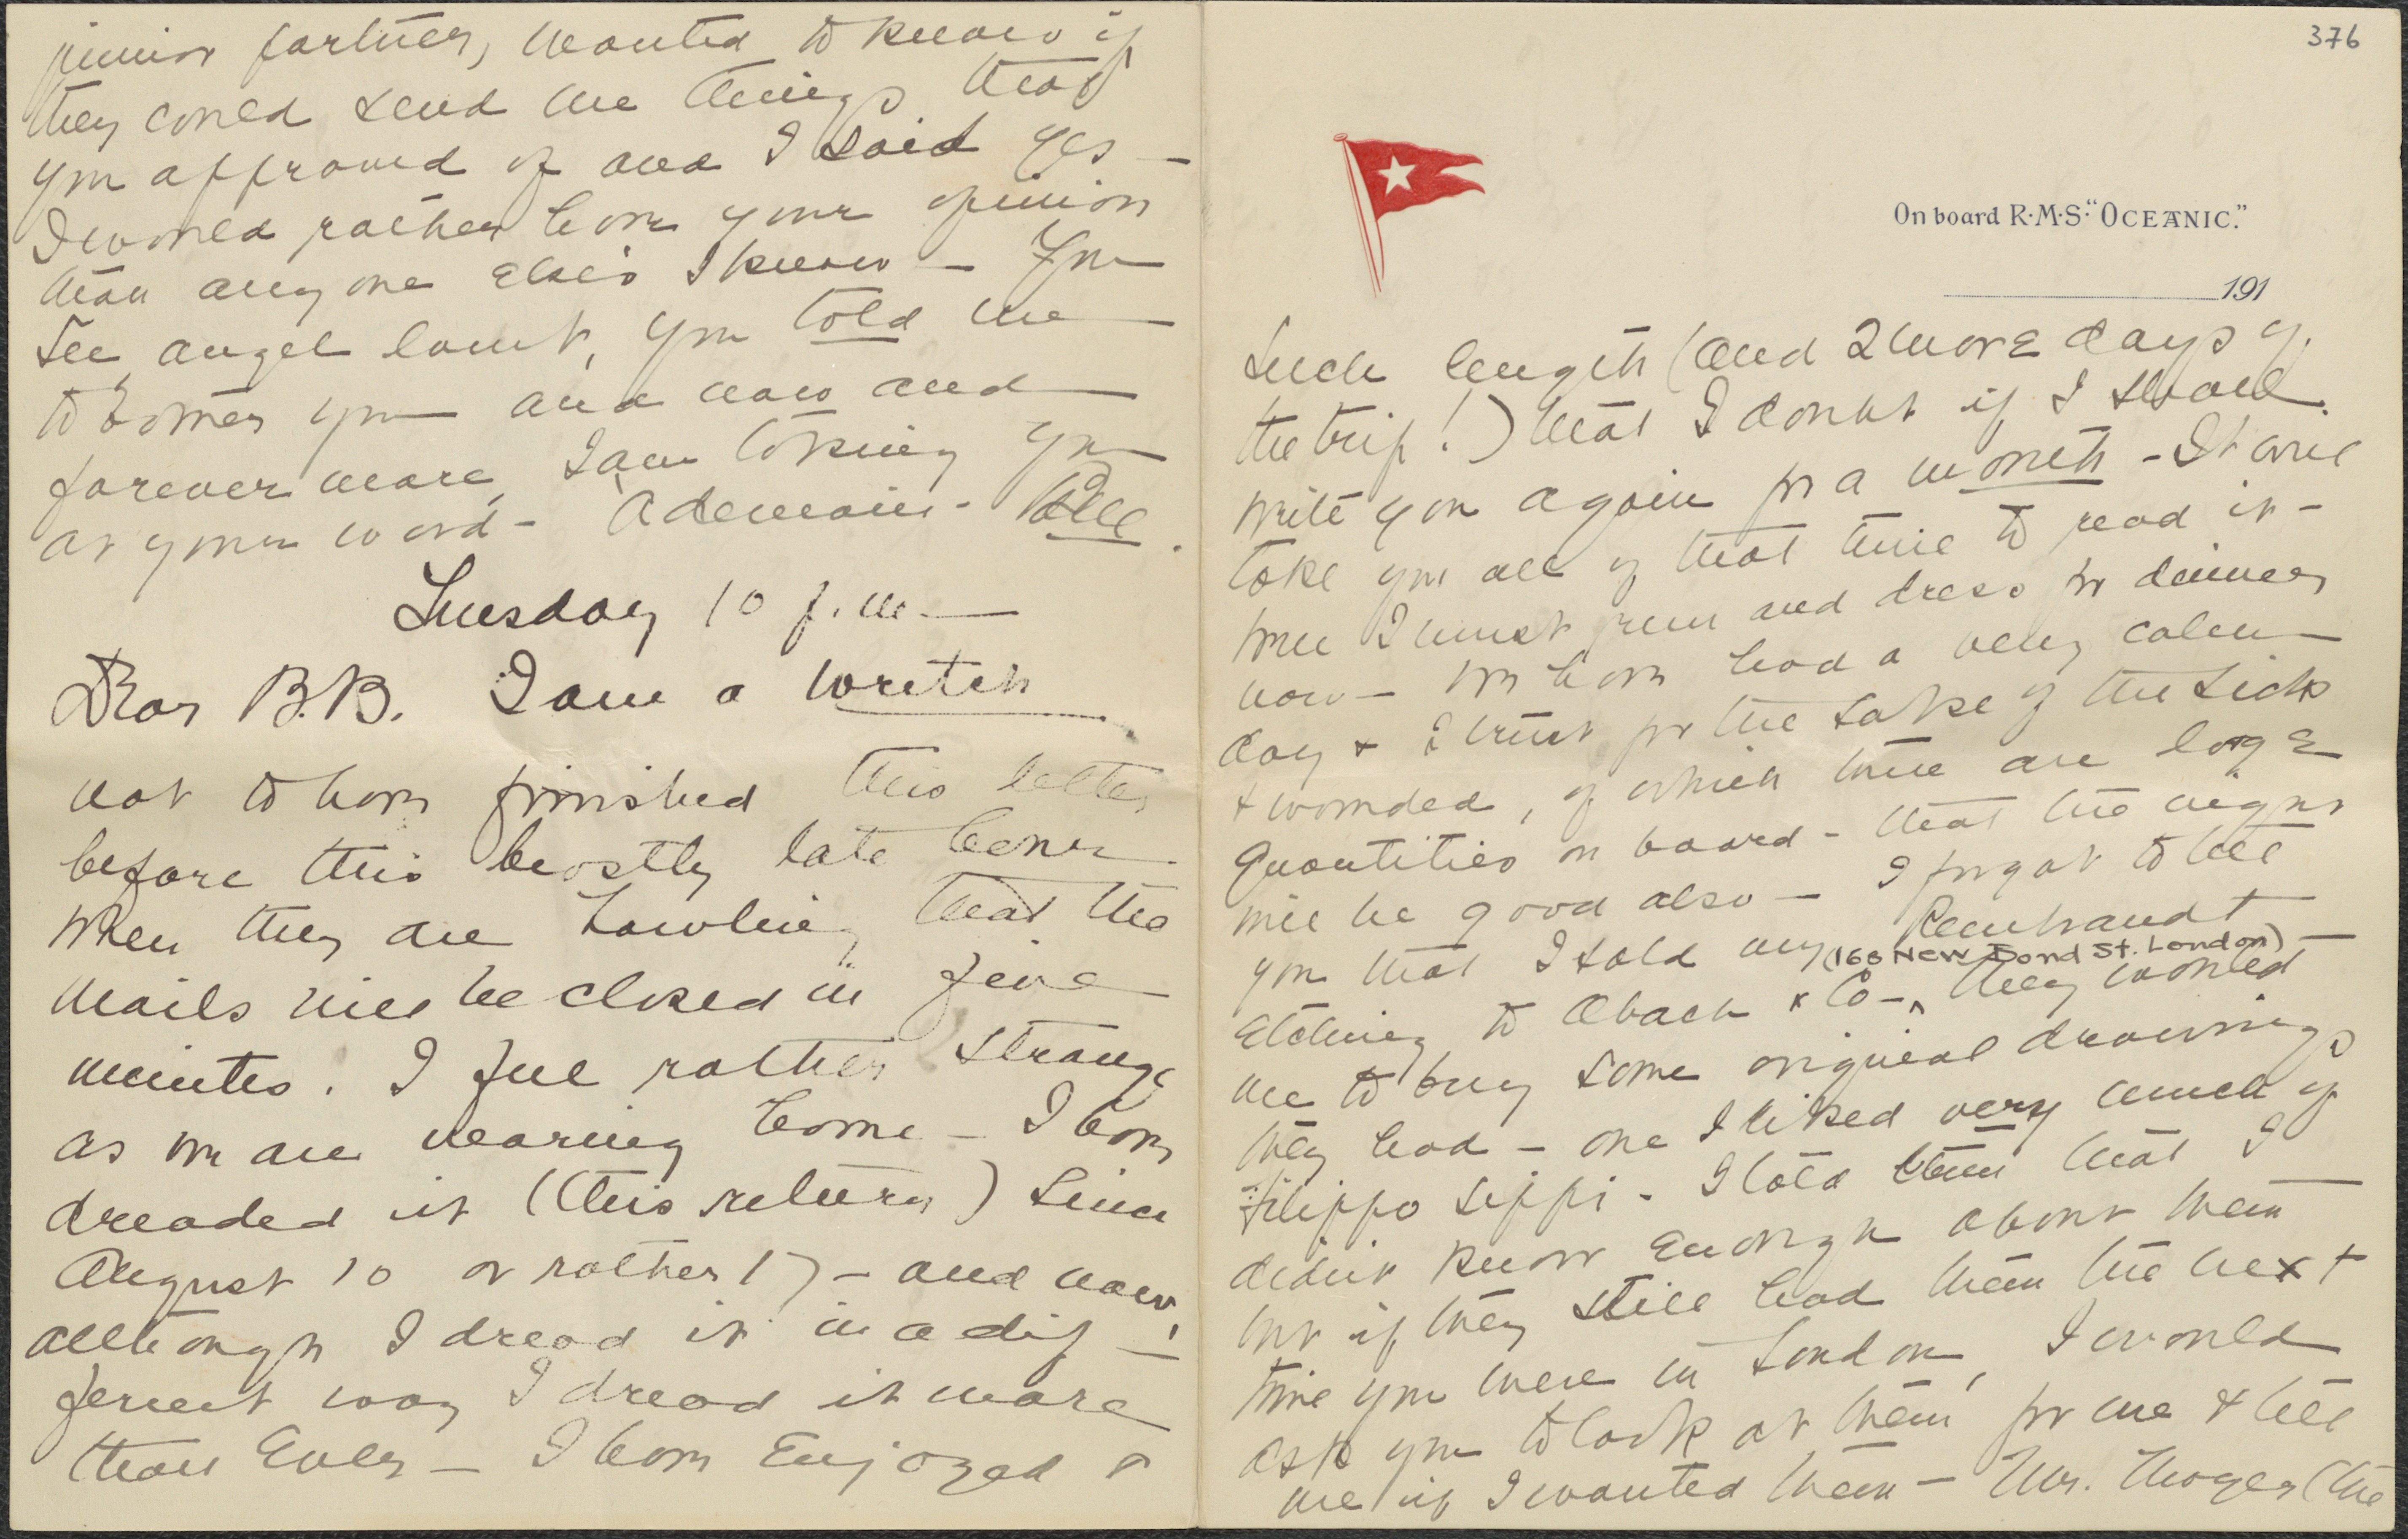such length (and 2 more days of the trip!) that I doubt if I shall write you again for a month – It will take you all of that time to read it – Well I must run and dress for dinner now – we have had a very calm day & I trust for the sake of the sick & wounded, of which there are large quantities on board – that the night will be good also – I forgot to tell you that I sold my Rembrandt etching to Obach & Co – [in secretarial script: ^(168 New Bond St. London)^] They wanted me to buy some original drawing they had – one I liked very much of Filippo Lippi – I told them that I didn’t know enough about them but if they still had them the next time you were in London, I would ask you to look at them for me & tell me if I wanted them – Mr. Mayer (the
junior partner) wanted to know if they could send me things that you approved of and I said yes – I would rather have your opinion than any one else’s I know – You see angel lamb, you told me to bother you and now and forever more, I am taking you at your word – À demain – Belle.
Tuesday 10 p.m –
Dear B. B. I am a wretch not to have finished this letter before this beastly late hour when they are howling that the mails will be closed in five minutes. I feel rather strange as we are nearing home – I have dreaded it (this return) since August 10 or rather 17 – and now, although I dread it in a different way I dread it more than ever – I have enjoyed &